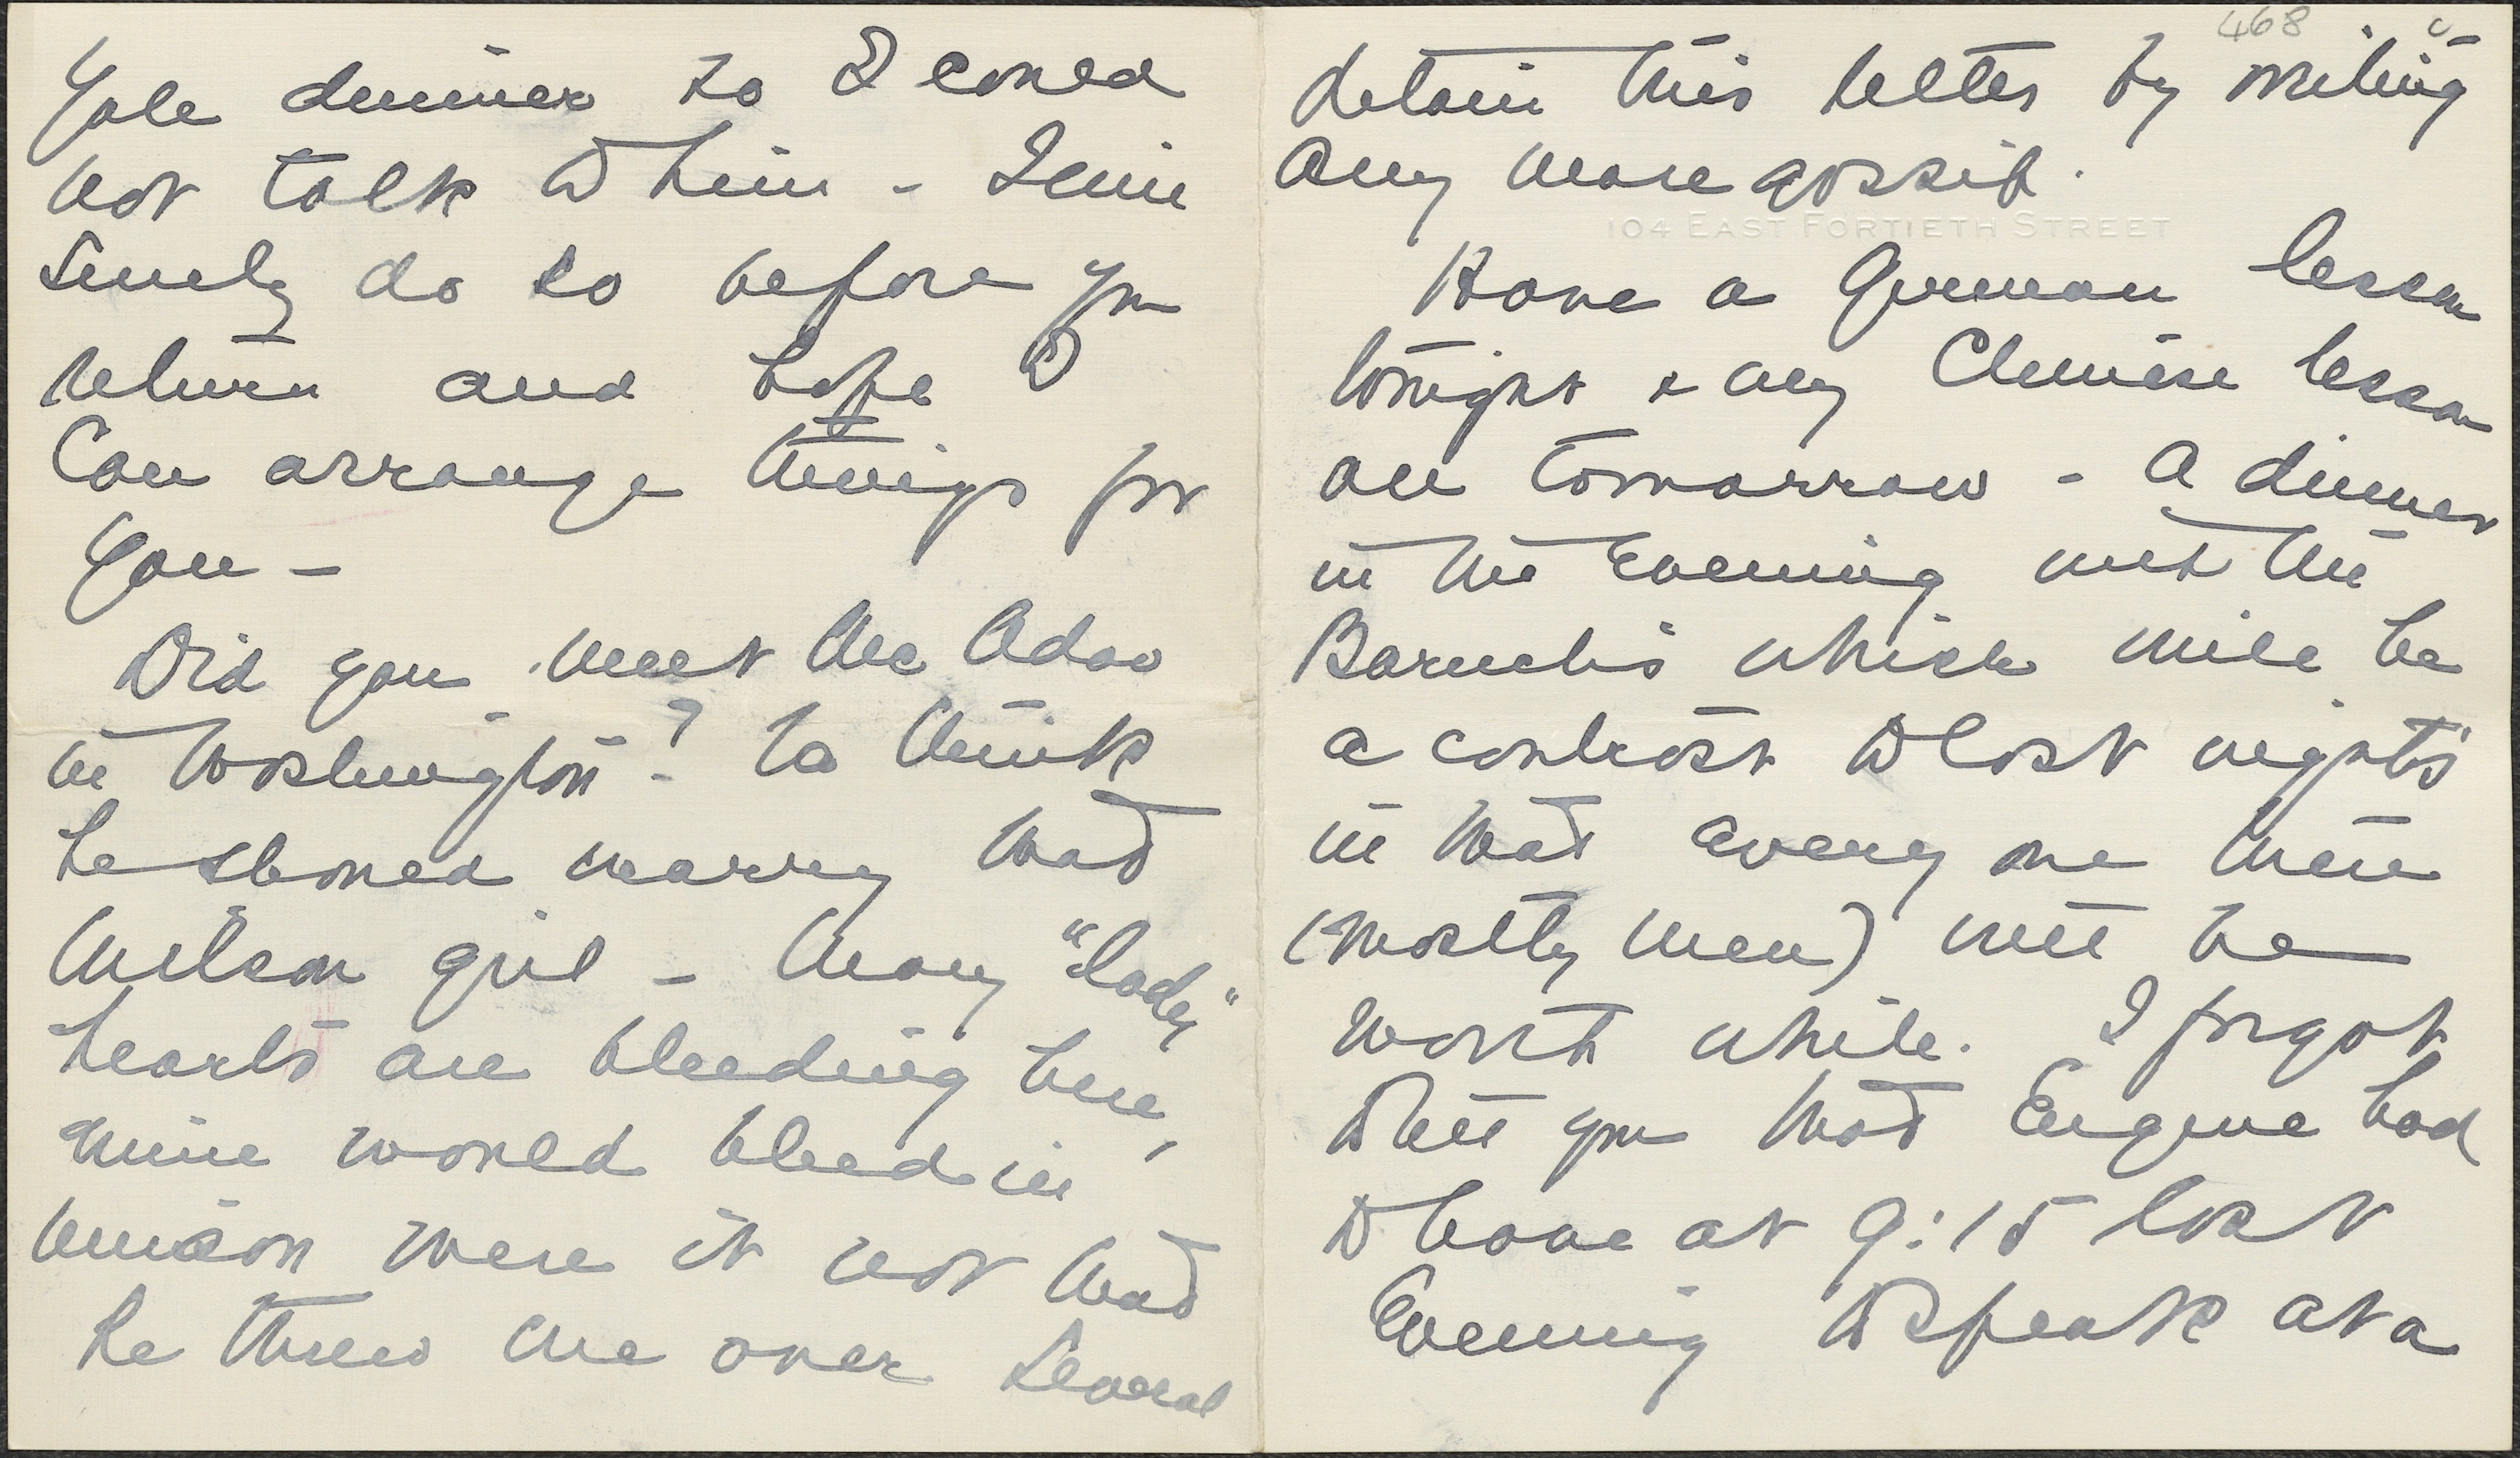detain this letter by writing any more gossip.
Have a German lesson tonight & my Chinese lesson all tomorrow – a dinner in the evening with the Baruch’s which will be a contrast to last night’s in that every one there (mostly men) will be worth while. I forgot to tell you that Eugene had to leave at 9:15 last evening to speak at a
Yale dinner so I could not talk to him – I will surely do so before you return and hope I can arrange things for you –
Did you meet McAdoo in Washington? To think he should marry that Wilson girl – Many “lady” hearts are bleeding here, mine would bleed in unison were it not that he threw me over several